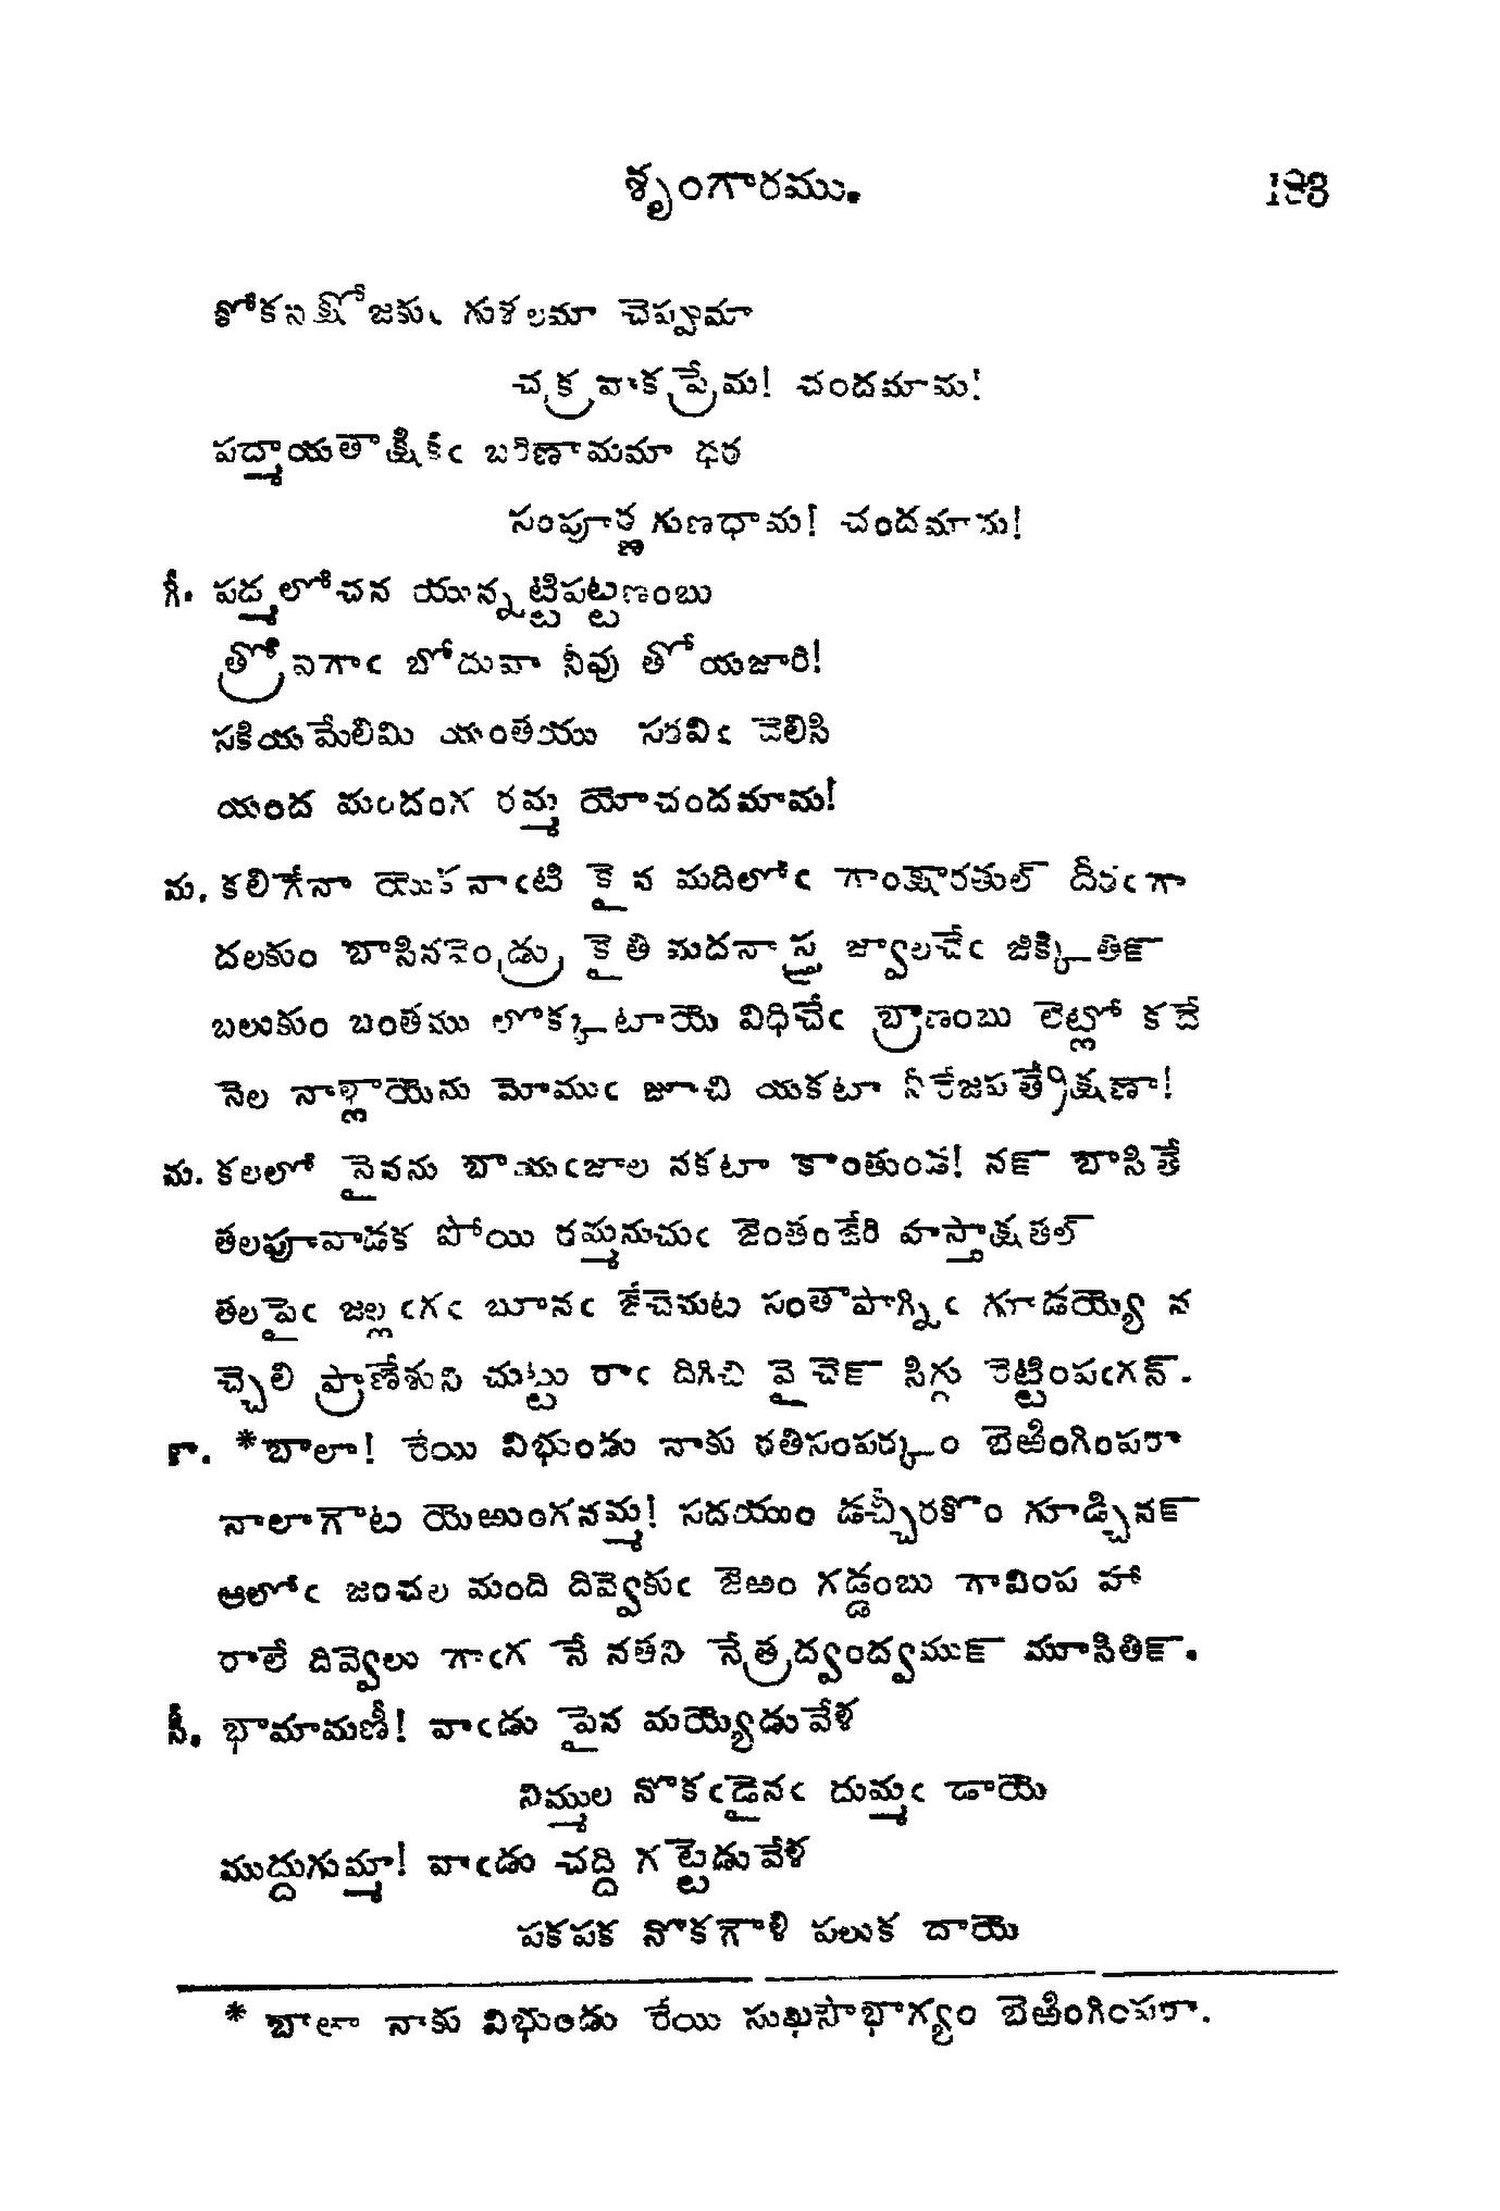కోకవక్షోజకుఁ గుశలమా చెప్పుమా
 చక్రవాకప్రేమ! చందమామ!
 పద్మాయతాక్షికిఁ బరిణామమా ధర
 సంపూర్ణగుణధామ! చందమామ!
గీ. పద్మలోచన యున్నట్టిపట్టణంబు
 త్రోవగాఁ బోదువా నీవు తోయజారి!
 సకియమేలిమి యంతయుఁ సరవిఁ దెలిసి
 యంద మందంగ రమ్మ యోచందమామ!
మ. కలిగేనా యొకనాఁటి కైన మదిలోఁ గాంక్షారతుల్ దీరఁగా
 దలకుం బాసినవెండ్రు కైతి మదనాస్త్రజ్వాలచేఁ జిక్కితిన్
 బలుకుం బంతము లొక్కటాయె విధిచేఁ బ్రాణంబు లెట్లో కదే
 నెల నాళ్ళాయెను మోముఁ జూచి యకటా నీరేజపత్రేక్షణా!
మ. కలలో నైనను బాయఁజాల నకటా కాంతుండ! నన్ బాసితే
 తలపూవాడక పోయి రమ్మనుచుఁ జెంతం జేరి హస్తాక్షతల్
 తలపైఁ జల్లగఁ బూనఁ జేచెమట సంతాపాగ్నిఁ గూడయ్యె న
 చ్చెలి ప్రాణేశుని చుట్టు రాఁ దిగిచి వైచెన్ సిగ్గు రెట్టింపఁగన్.
శా. బాలా! రేయి విభుండు నాకు రతిసంపర్కం బెఱింగింపరా
 నాలాగౌట యెఱుంగనమ్మ! సదయుం డచ్చీరకొం గూడ్చినన్
 ఆలోఁ జంచల మంది దివ్వెకుఁ జెఱం గడ్డంబు గావింప హా
 రాలే దివ్వలు గాఁగ నే నతని నేత్రద్వంద్వమున్ మూసితిన్.
సీ. భామామణీ! వాఁడు పైన మయ్యెడువేళ
 నిమ్ముల నొకఁడైనఁ దుమ్మఁ డాయె
 ముద్దుగుమ్మా! వాఁడు చద్ది గట్టెడువేళ
 పకపక నొకగౌళి పలుక దాయె